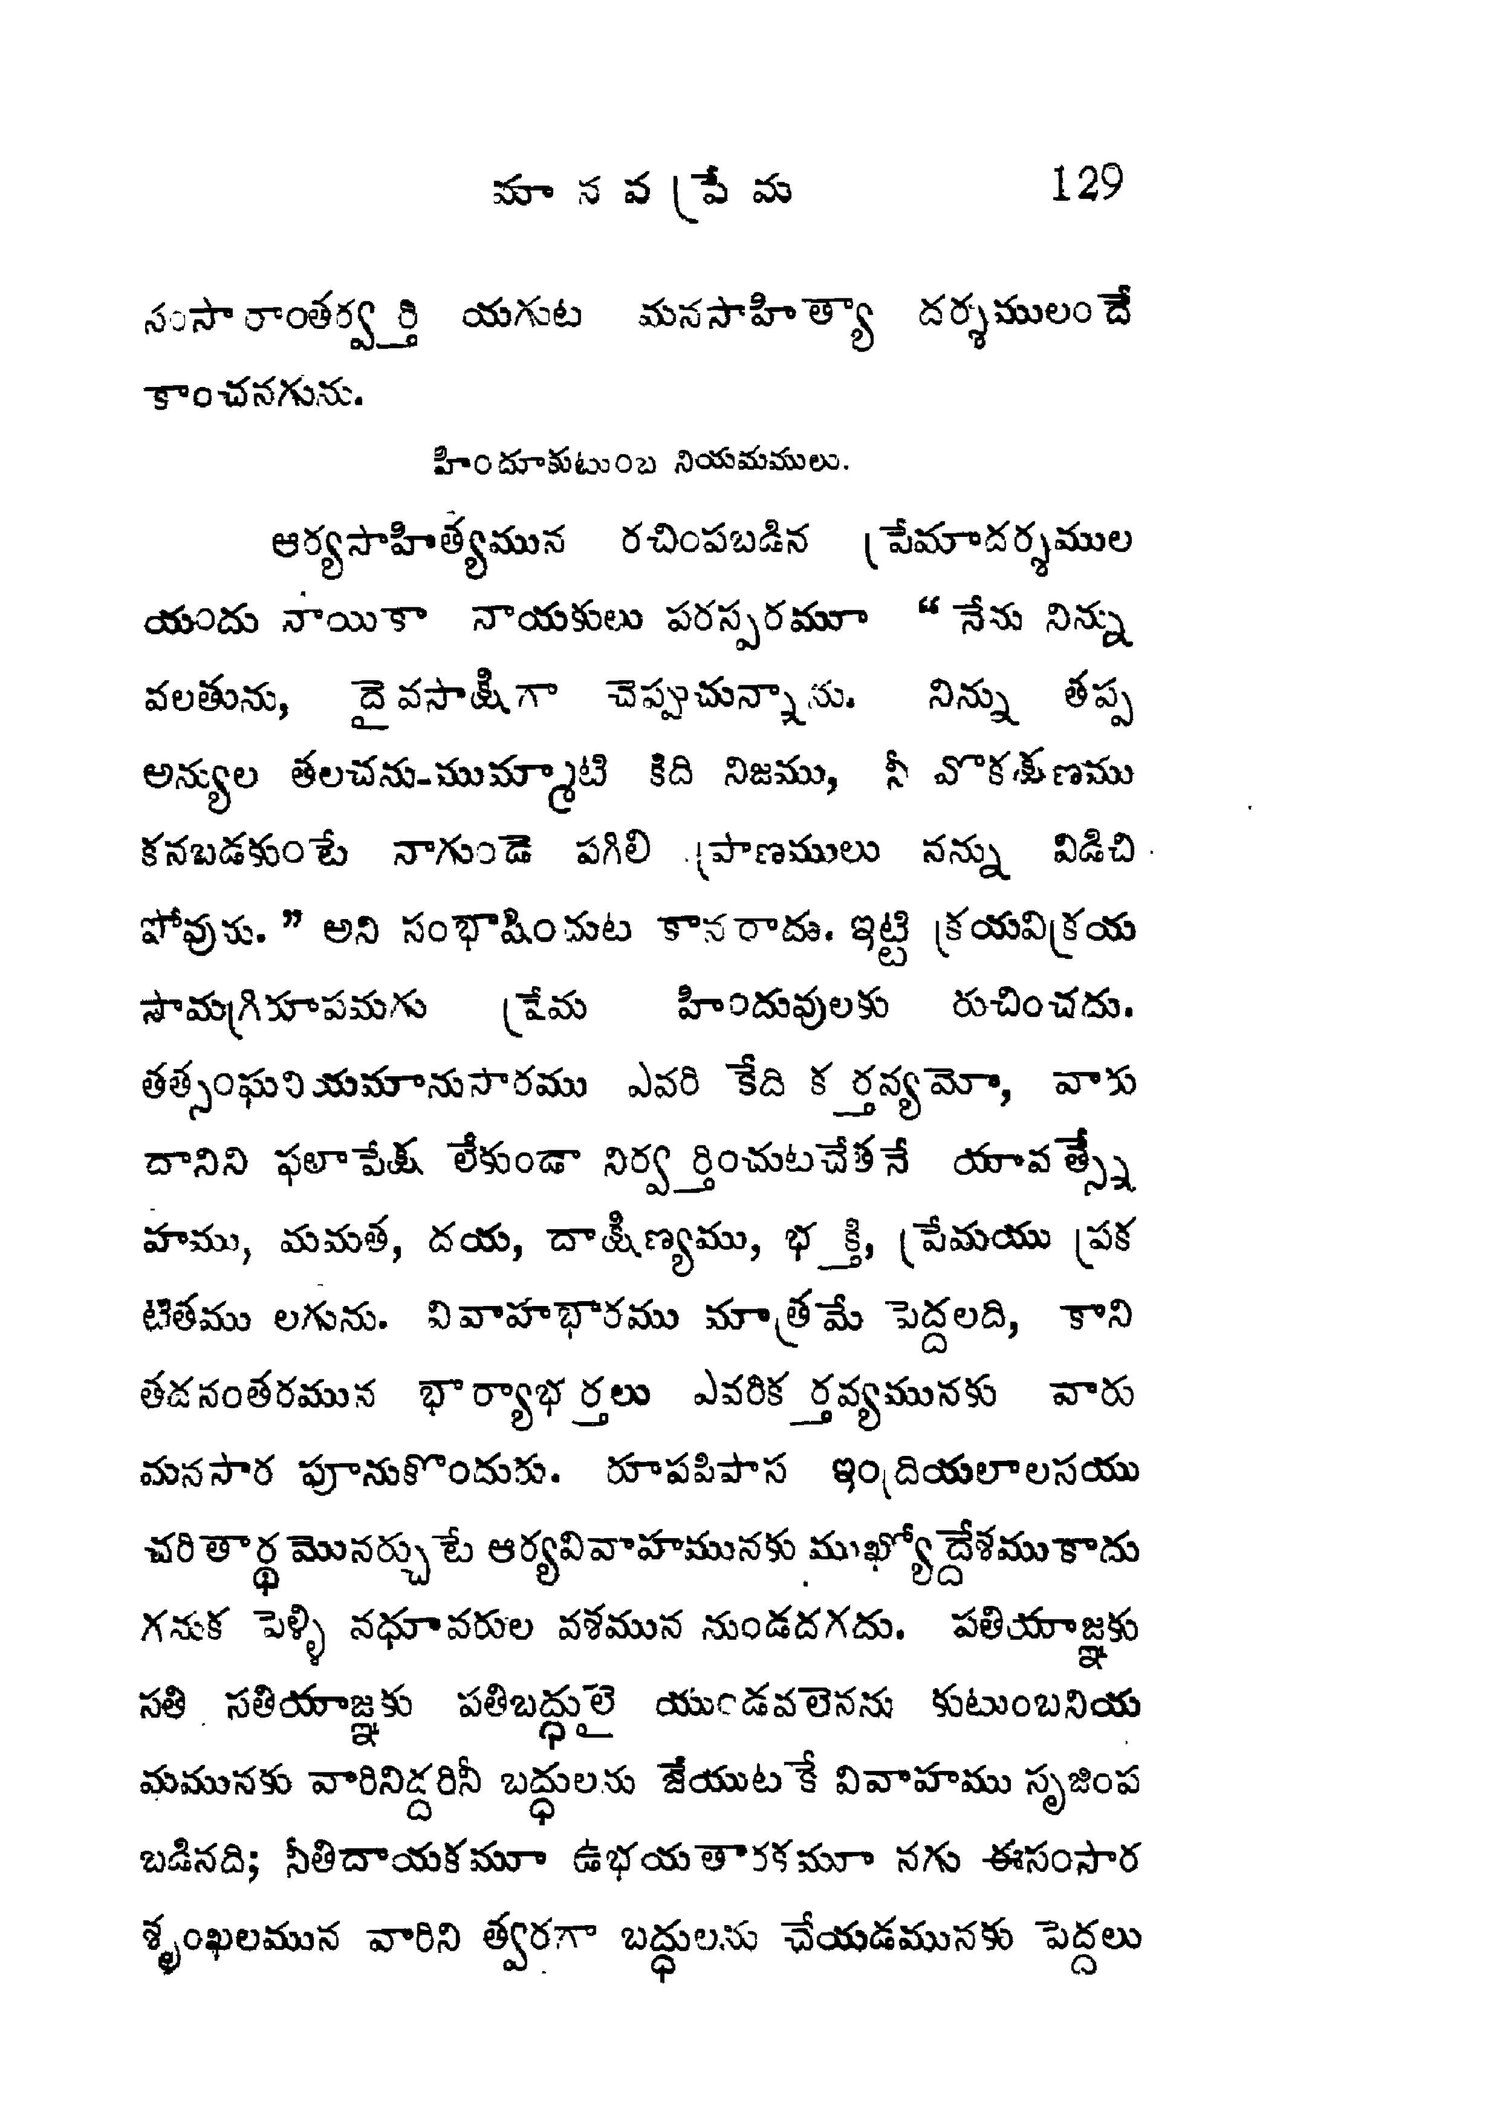సంసారాంతర్వర్తి యగుట మనసాహిత్యా దర్శములందే కాంచనగును.

ఆర్యసాహిత్యమున రచింపబడిన ప్రేమాదర్శముల యందు నాయికా నాయకులు పరస్పరమూ "నేను నిన్ను వలతును, దైవసాక్షిగా చెప్పుచున్నాను. నిన్ను తప్ప అన్యుల తలచను - ముమ్మాటి కిది నిజము, నీ వొకక్షణము కనబడకుంటే నాగుండె పగిలి ప్రాణములు నన్ను విడిచి పోవును." అని సంభాషించుట కానరాదు. ఇట్టి క్రయవిక్రయ సామగ్రిరూపమగు ప్రేమ హిందువులకు రుచించదు. తత్సంఘనియమానుసారము ఎవరి కేది కర్తవ్యమో, వారు దానిని ఫలాపేక్ష లేకుండా నిర్వర్తించుటచేతనే యావత్స్నేహము, మమత, దయ, దాక్షిణ్యము, భక్తి, ప్రేమయు ప్రకటితము లగును. వివాహభారము మాత్రమే పెద్దలది, కాని తదనంతరమున భార్యాభర్తలు ఎవరికర్తవ్యమునకు వారు మనసార పూనుకొందురు. రూపపిపాస ఇంద్రియలాలసయు చరితార్థమొనర్చుటే ఆర్యవివాహమునకు ముఖ్యోద్దేశముకాదు గనుక పెళ్ళి వధూవరుల వశమున నుండదగదు. పతియాజ్ఞకు సతి సతియాజ్ఞకు పతిబద్ధులై యుండవలెనను కుటుంబనియమమునకు వారినిద్దరినీ బద్ధులను జేయుటకే వివాహము సృజింప బడినది; నీతిదాయకమూ ఉభయతారకమూ నగు ఈసంసార శృంఖలమున వారిని త్వరగా బద్ధులను చేయడమునకు పెద్దలు